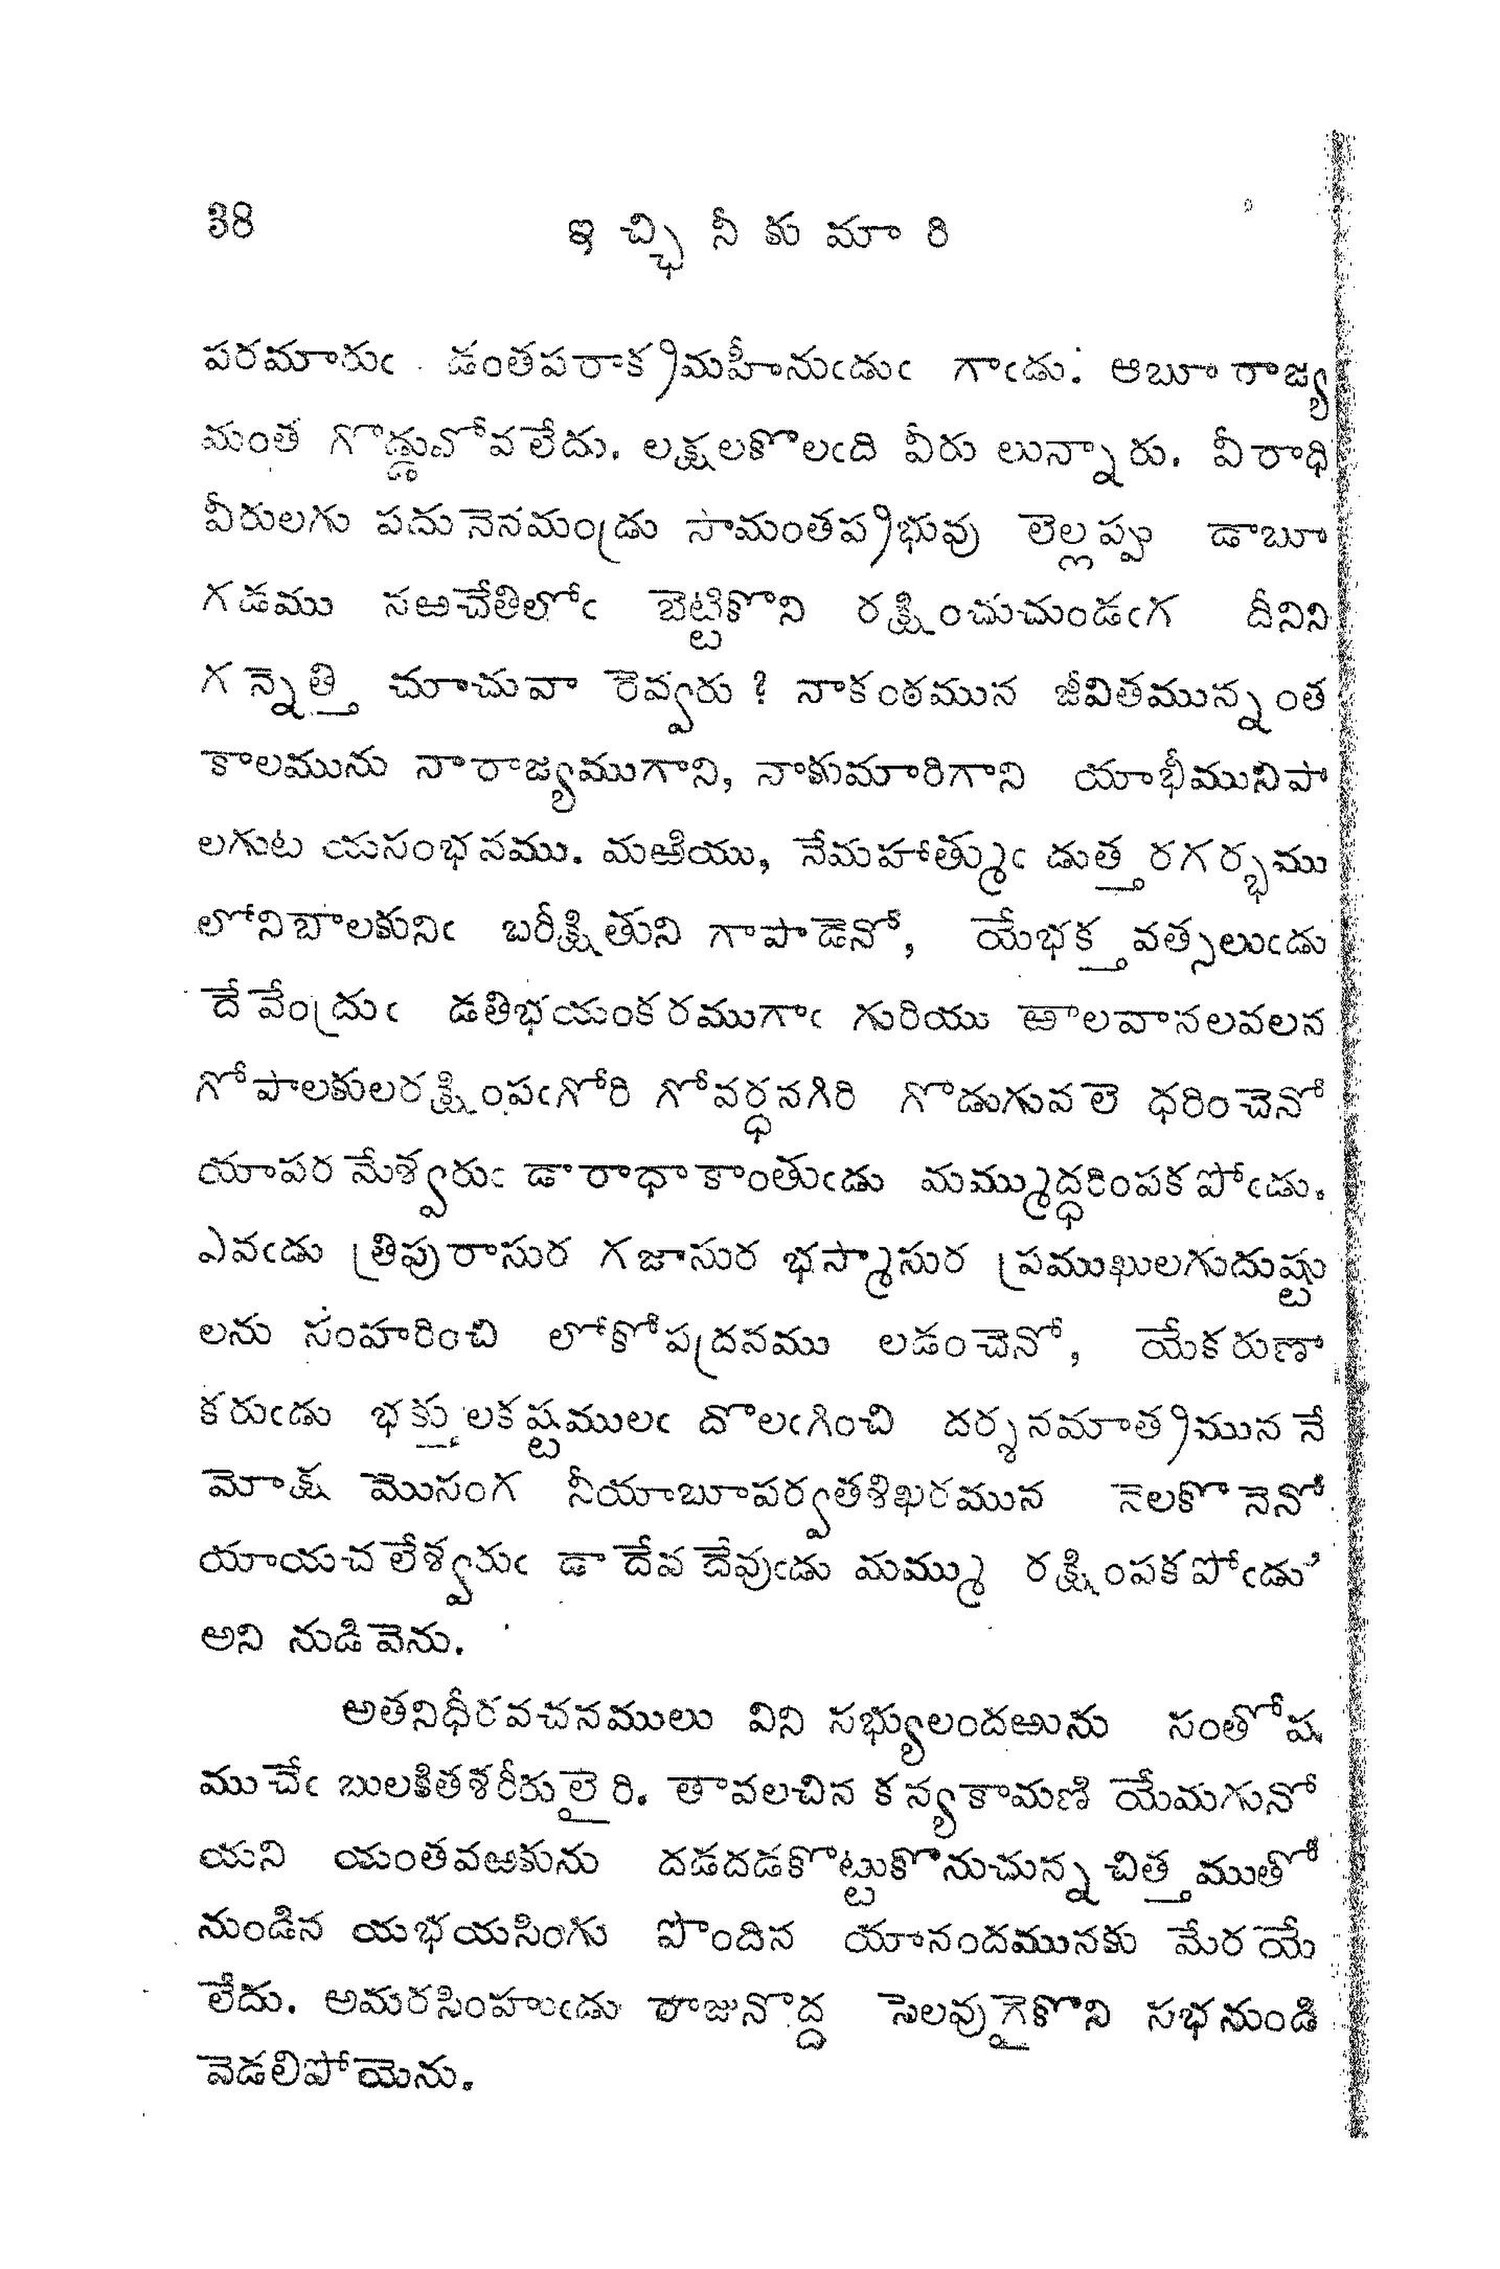పరమారు . కంతపరాక్రమ హీనుఁడుఁ గాఁడు. ఆబూ రాజ్య మంత గొడ్డువోవ లేదు. లక్షలకొలఁది వీరు లున్నారు. వీరాధి, వీరులగు పదు నెనమండ్రు సామంతప్రభువు లెల్లప్పు డాబూ గడము నఱచేతిలోఁ బెట్టికొని రక్షించుచుండఁగ దీనిని గన్నెత్తి చూచువా రేవ్వరు ? నాకంఠమున జీవితమున్నంత కాలమును నారాజ్యముగాని, నాకుమారిగాని యాభీమునిపో లగుట యసంభనము. మఱియు, నేమహాత్ముఁ డుత్తర గర్భము లోని బాలకునిఁ బరీక్షితుని గాపాడెనో, యేభక్త వత్సలుఁడు దేవేంద్రుఁ డతిభయంకరముగాఁ గురియు జాలవానలవలన గోపాలకులరక్షింపఁగోరి గోవర్ధన గిరి గొడుగువలె ధరించెనో యాపర మేశ్వరు: డా రాధాకాంతుఁడు మమ్ముద్ధరింపక పోఁడు, ఎవఁడు త్రిపు రాసుర గజాసుర భస్మాసుర ప్రముఖులగుదుష్టు లను సంహరించి లోకోపద్రనము లడంచెనో, యేకరుణా కరుఁడు భక్తులకష్టములఁ దొలఁగించి దర్శనమాత్రమున నే మోక్ష మొసంగ నీయాబూపర్వత శిఖరమున నెలకొనెనో యాయచ లేశ్వముఁ దా దేవ దేవుఁడు మమ్ము రక్షింపక పోఁడు' అని నుడివెను.

అతని ధీరవచనములు విని సభ్యులందఱును సంతోష, ముచేఁ బులకిత శరీరులైరి. తావలచిన కస్యకామణి యేమగునో యని యంతవఱకును దడదడ కొట్టుకొనుచున్న చిత్త ముతో నుండిన యభయసింగు పొందిన యానందమునకు మేరయే లేదు. అమరసింహుఁడు రోజునొద్ద సెలవు గైకొని సభ నుండి వెడలిపోయెను.